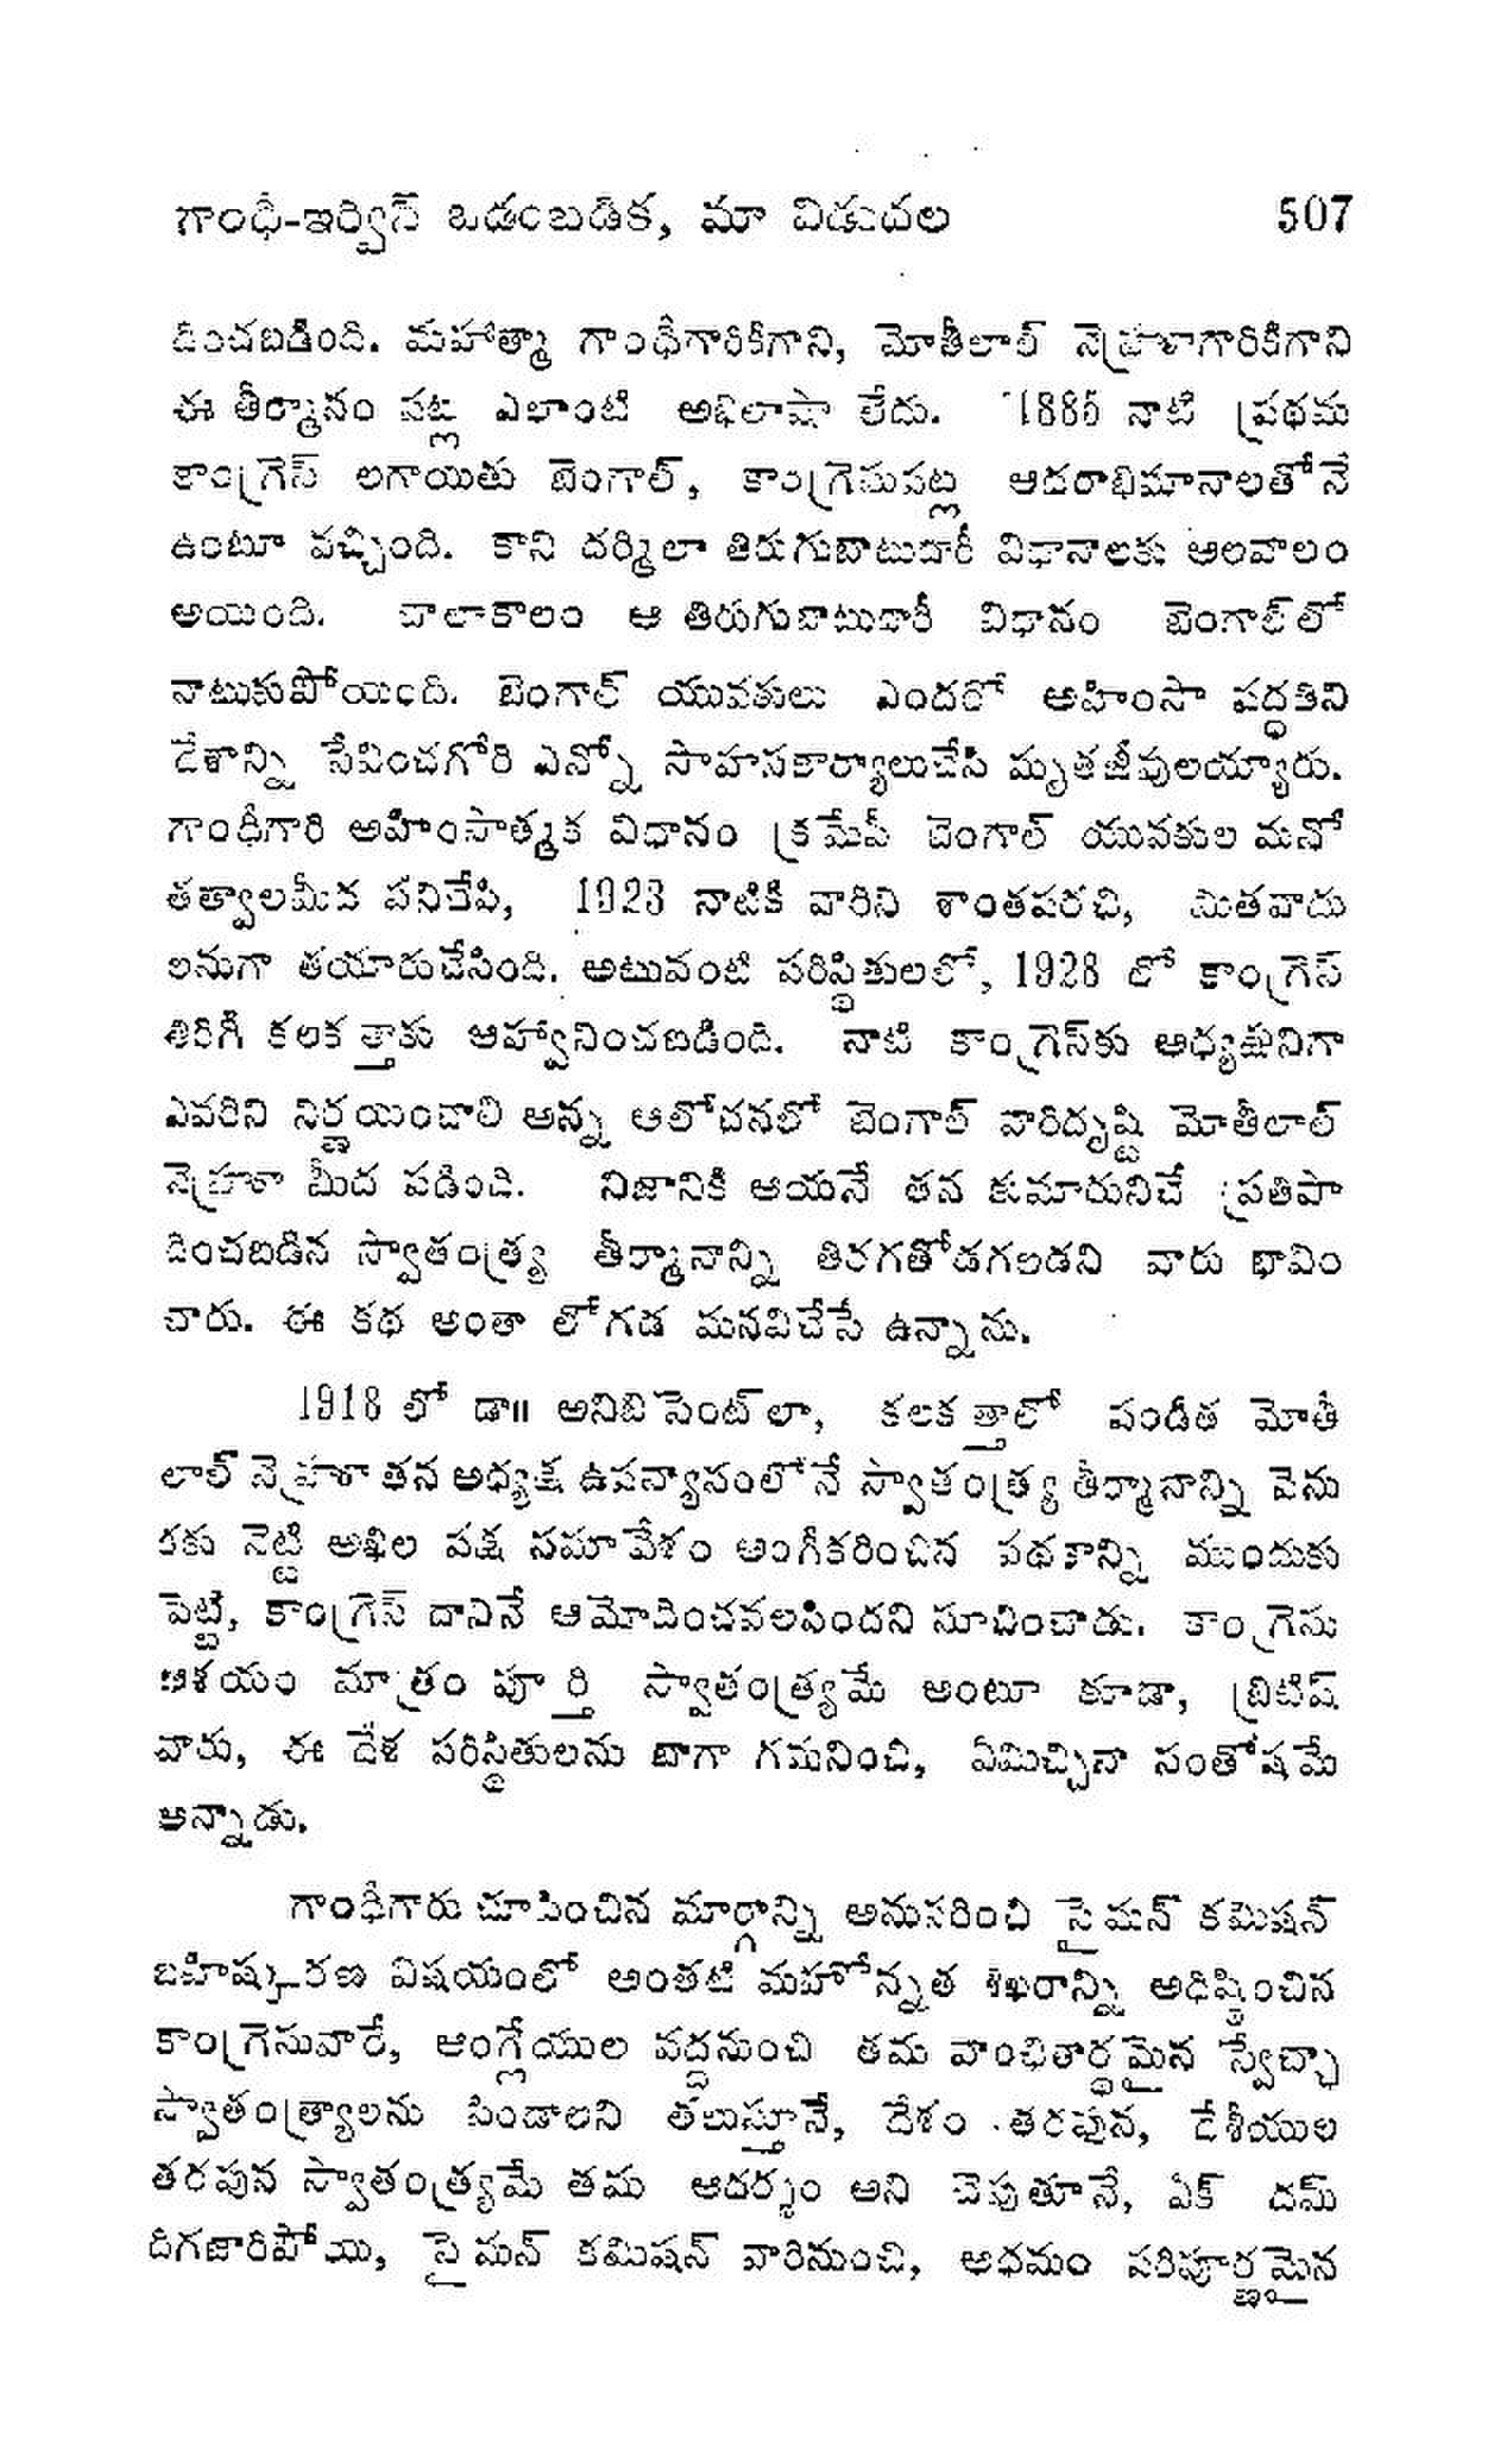దించబడింది. మహాత్మా గాంధీగారికిని, మోతీలాల్ నెహ్రూగారికిని ఈ తీర్మానం పట్ల ఎలాంటి అభిలాషా లేదు. 1885 నాటి ప్రథమ కాంగ్రెస్ లగాయతు బెంగాల్, కాంగ్రెసుపట్ల ఆదరాభిమానాలతోనే ఉంటూ వచ్చింది. కాని దర్మిలా తిరుగుబాటుదారీ విధానాలకు ఆలవాలం అయింది. చాలాకాలం ఆ తిరుగుబాటుదారీ విధానం బెంగాల్‌లో నాటుకు పోయింది. బెంగాల్ యువకులు ఎందరో అహింసా పద్ధతిని దేశాన్ని సేవించగోరి ఎన్నో సాహసకార్యాలుచేసి మృతజీవులయ్యారు. గాంధీగారి అహింసాత్మక విధానం క్రమేపీ బెంగాల్ యువకుల మనోతత్వాలమీద పనిచేసి, 1923 నాటికి వారిని శాంతపరచి, మితవాదులనుగా తయారుచేసింది. అటువంటి పరిస్థితులలో, 1928 లో కాంగ్రెస్ తిరిగీ కలకత్తాకు ఆహ్వానించ బడింది. నాటి కాంగ్రెస్‌కు అధ్యక్షునిగా ఎవరిని నిర్ణయించాలి అన్న ఆలోచనలో బెంగాల్ వారిదృష్టి మోతీలాల్ నెహ్రూ మీద పడింది. నిజానికి ఆయనే తన కుమారునిచే ప్రతిపాదించ బడిన స్వాతంత్ర్య తీర్మానాన్ని తిరగతోడగలడని వారు భావించారు. ఈ కథ అంతా లోగడ మనవిచేసే ఉన్నాను.

1918 లో డా॥ అనిబిసెంట్‌లా, కలకత్తాలో పండిత మోతీలాల్ నెహ్రూ తన అధ్యక్ష ఉపన్యాసం లోనే స్వాతంత్ర్య తీర్మానాన్ని వెనుకకు నెట్టి అఖిల పక్ష సమావేశం అంగీకరించిన పథకాన్ని ముందుకు పెట్టి, కాంగ్రెస్ దానినే ఆమోదించవలసిందని సూచించాడు. కాంగ్రెసు ఆశయం మాత్రం పూర్తి స్వాతంత్ర్యమే అంటూ కూడా, బ్రిటిష్ వారు, ఈ దేశ పరిస్థితులను బాగా గమనించి, ఏమిచ్చినా సంతోషమే అన్నాడు.

గాంధీగారు చూపించిన మార్గాన్ని అనుసరించి సైమన్ కమిషన్ బహిష్కరణ విషయంలో అంతటి మహోన్నత శిఖరాన్ని అధిష్టించిన కాంగ్రెసువారే, ఆంగ్లేయుల వద్దనుంచి తమ వాంఛితార్ధమైన స్వేచ్చా స్వాతంత్ర్యాలను పిండాలని తలుస్తూనే, దేశం తరపున, దేశీయుల తరపున స్వాతంత్ర్యమే తమ ఆదర్శం అని చెపుతూనే, ఏక్ దమ్ దిగజారిపోయి, సైమన్ కమిషన్ వారినుంచి, అధమం పరిపూర్ణమైన